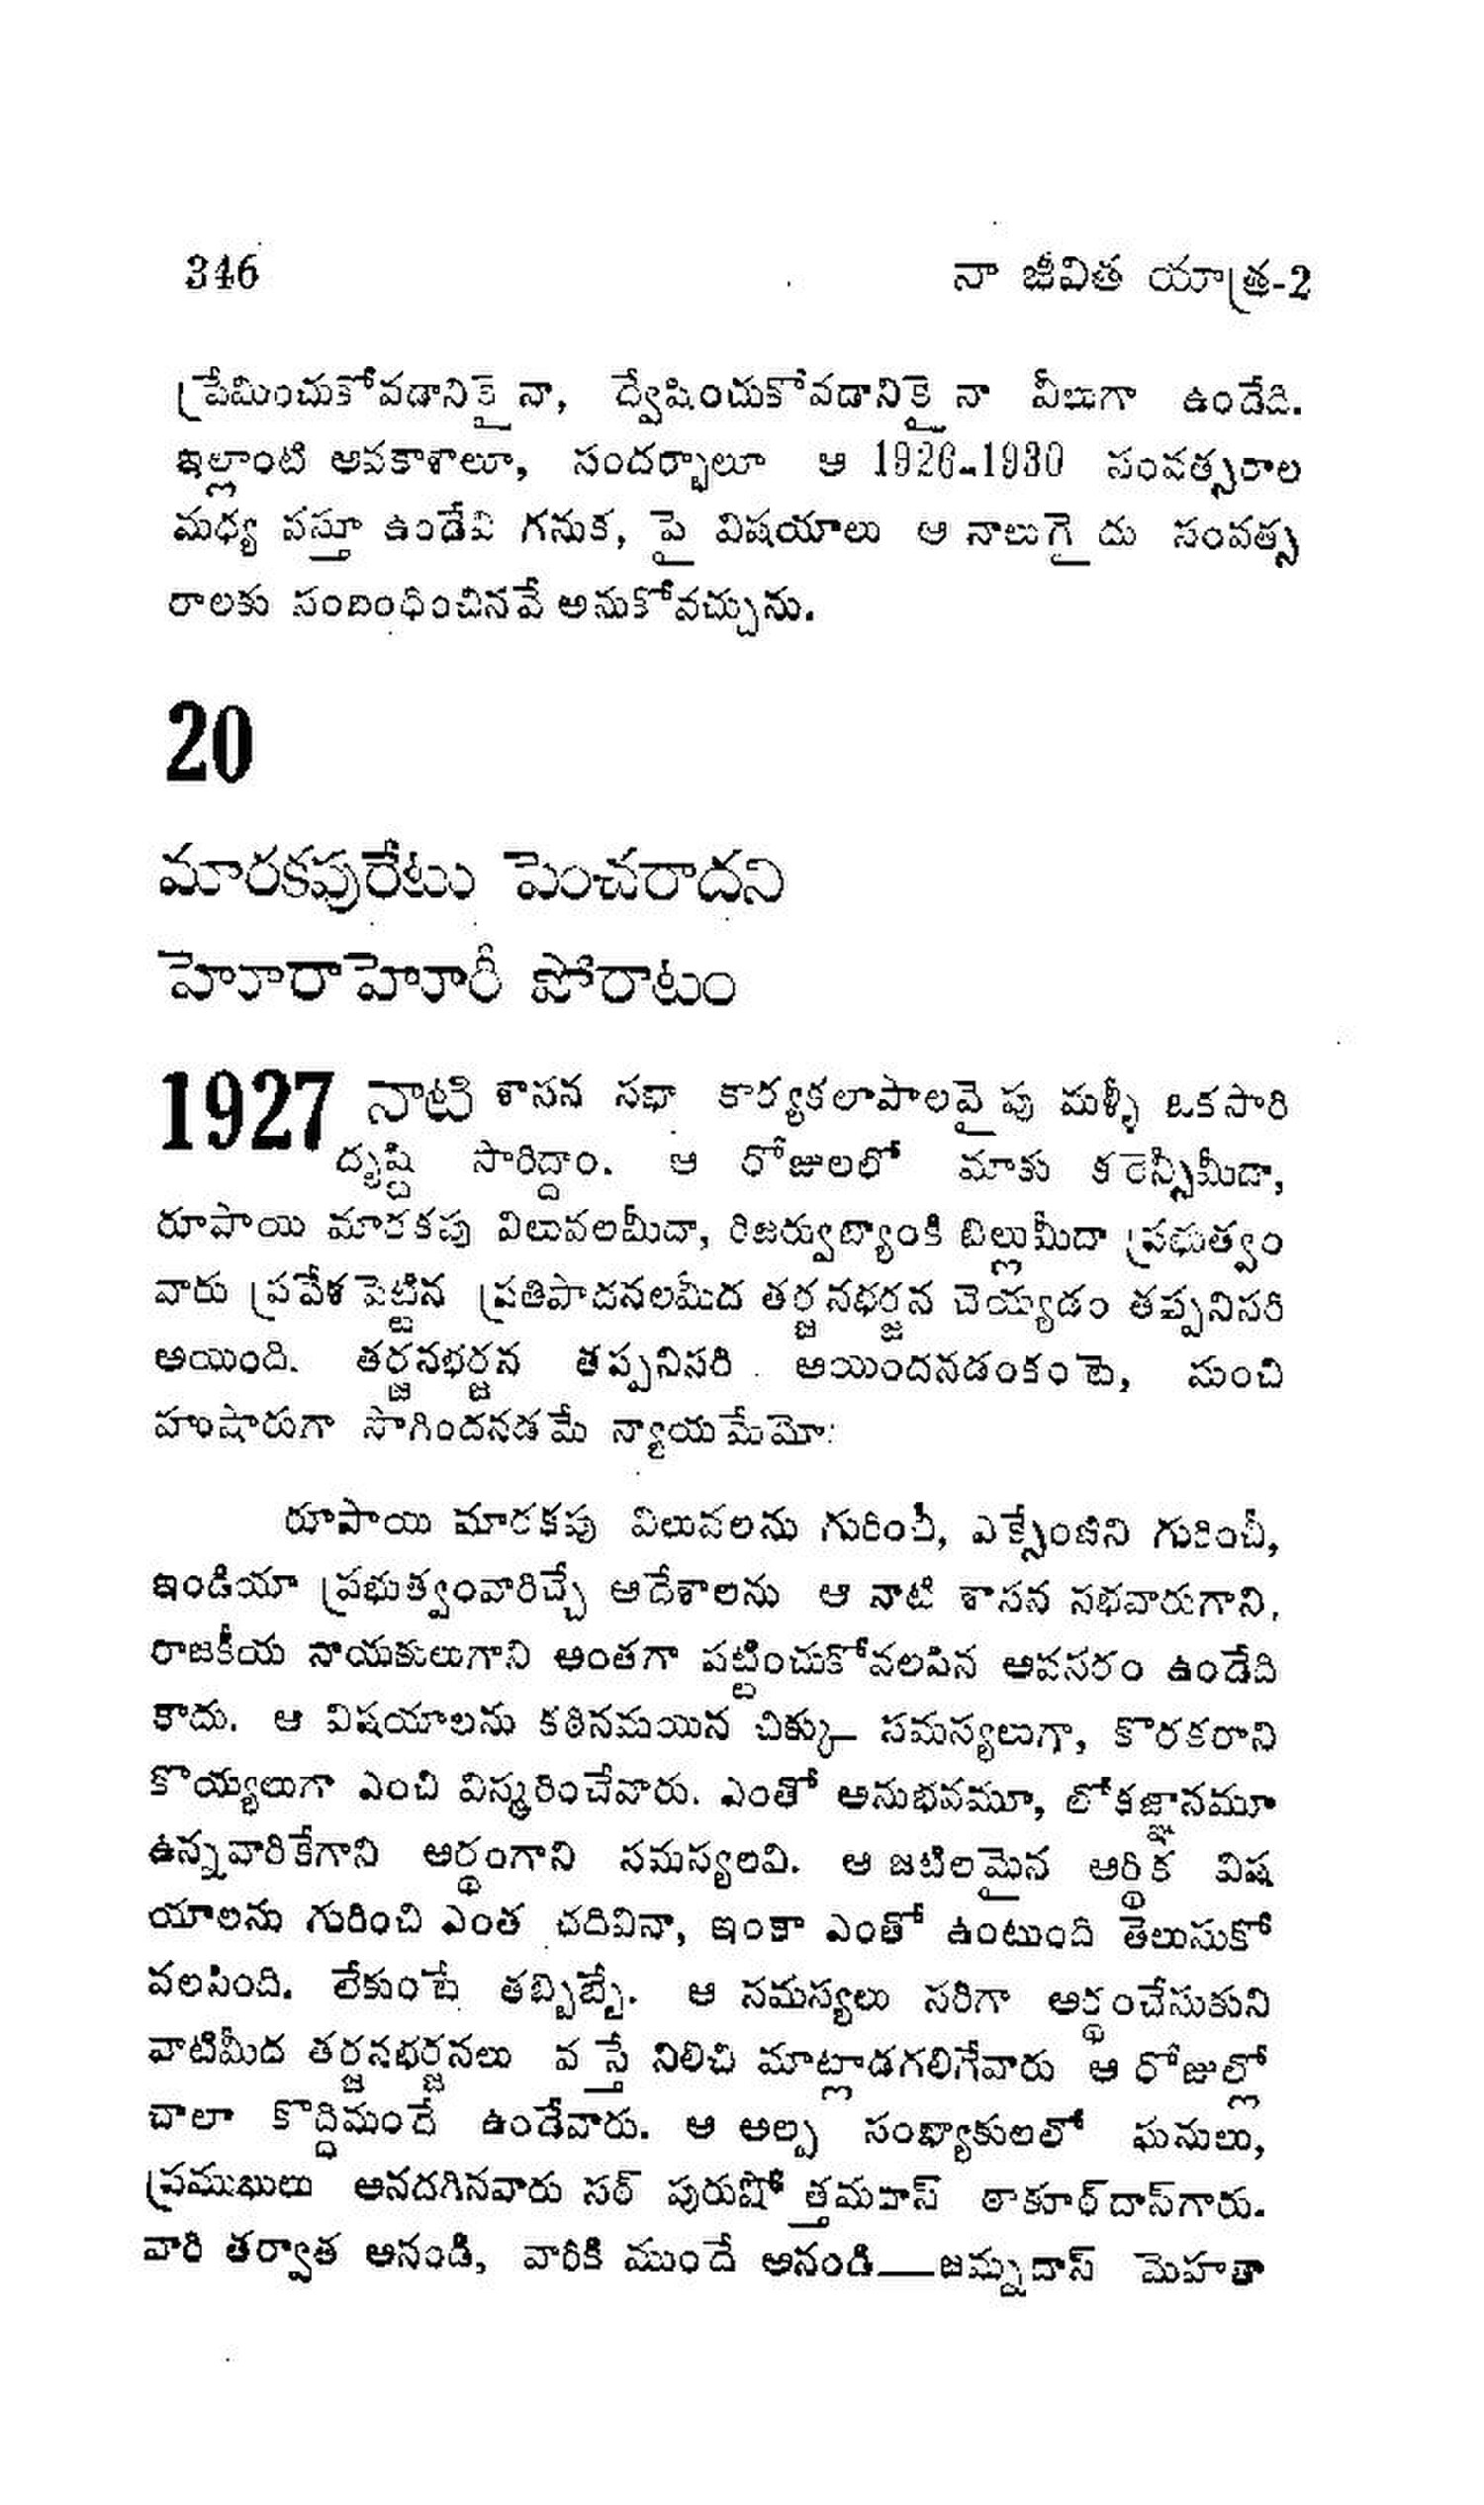ప్రేమించుకోవడానికైనా, ద్వేషించుకోవడానికైనా వీలుగా ఉండేది. ఇల్లాంటి అవకాశాలూ, సందర్భాలూ ఆ 1926-1930 సంవత్సరాల మధ్య వస్తూ ఉండేవి గనుక, పై విషయాలు ఆ నాలుగైదు సంవత్సరాలకు సంబంధించినవే అనుకోవచ్చును.

1927 నాటి శాసన సభా కార్యకలాపాలవైపు మళ్ళీ ఒకసారి దృష్టి సారిద్దాం. ఆ రోజులలో మాకు కరెన్సీమీదా, రూపాయి మారకపు విలువలమీదా, రిజర్వుబ్యాంకి బిల్లుమీదా ప్రభుత్వంవారు ప్రవేశపెట్టిన ప్రతిపాదనలమీద తర్జన భర్జన చెయ్యడం తప్పనిసరి అయింది. తర్జనభర్జన తప్పనిసరి అయిందనడంకంటె, మంచి హుషారుగా సాగిందనడమే న్యాయమేమో.

రూపాయి మారకపు విలువలను గురించీ, ఎక్సేంజిని గురించీ, ఇండియా ప్రభుత్వంవారిచ్చే ఆదేశాలను ఆ నాటి శాసన సభవారుగాని, రాజకీయ నాయకులుగాని అంతగా పట్టించుకోవలసిన అవసరం ఉండేది కాదు. ఆ విషయాలను కఠినమయిన చిక్కు సమస్యలుగా, కొరకరాని కొయ్యలుగా ఎంచి విస్మరించేవారు. ఎంతో అనుభవమూ, లోకజ్ఞానమూ ఉన్నవారికేగాని అర్థంగాని సమస్యలవి. ఆ జటిలమైన ఆర్థిక విషయాలను గురించి ఎంత చదివినా, ఇంకా ఎంతో ఉంటుంది తెలుసుకోవలసింది. లేకుంటే తబ్బిబ్బే. ఆ సమస్యలు సరిగా అర్థంచేసుకుని వాటిమీద తర్జనభర్జనలు వస్తే నిలిచి మాట్లాడగలిగేవారు ఆ రోజుల్లో చాలా కొద్దిమందే ఉండేవారు. అ అల్ప సంఖ్యాకులలో ఘనులు, ప్రముఖులు అనదగినవారు సర్ పురుషోత్తమదాస్ ఠాకూర్‌దాస్‌గారు. వారి తర్వాత అనండి, వారికి ముందే అనండి-జమ్నదాస్ మెహతా